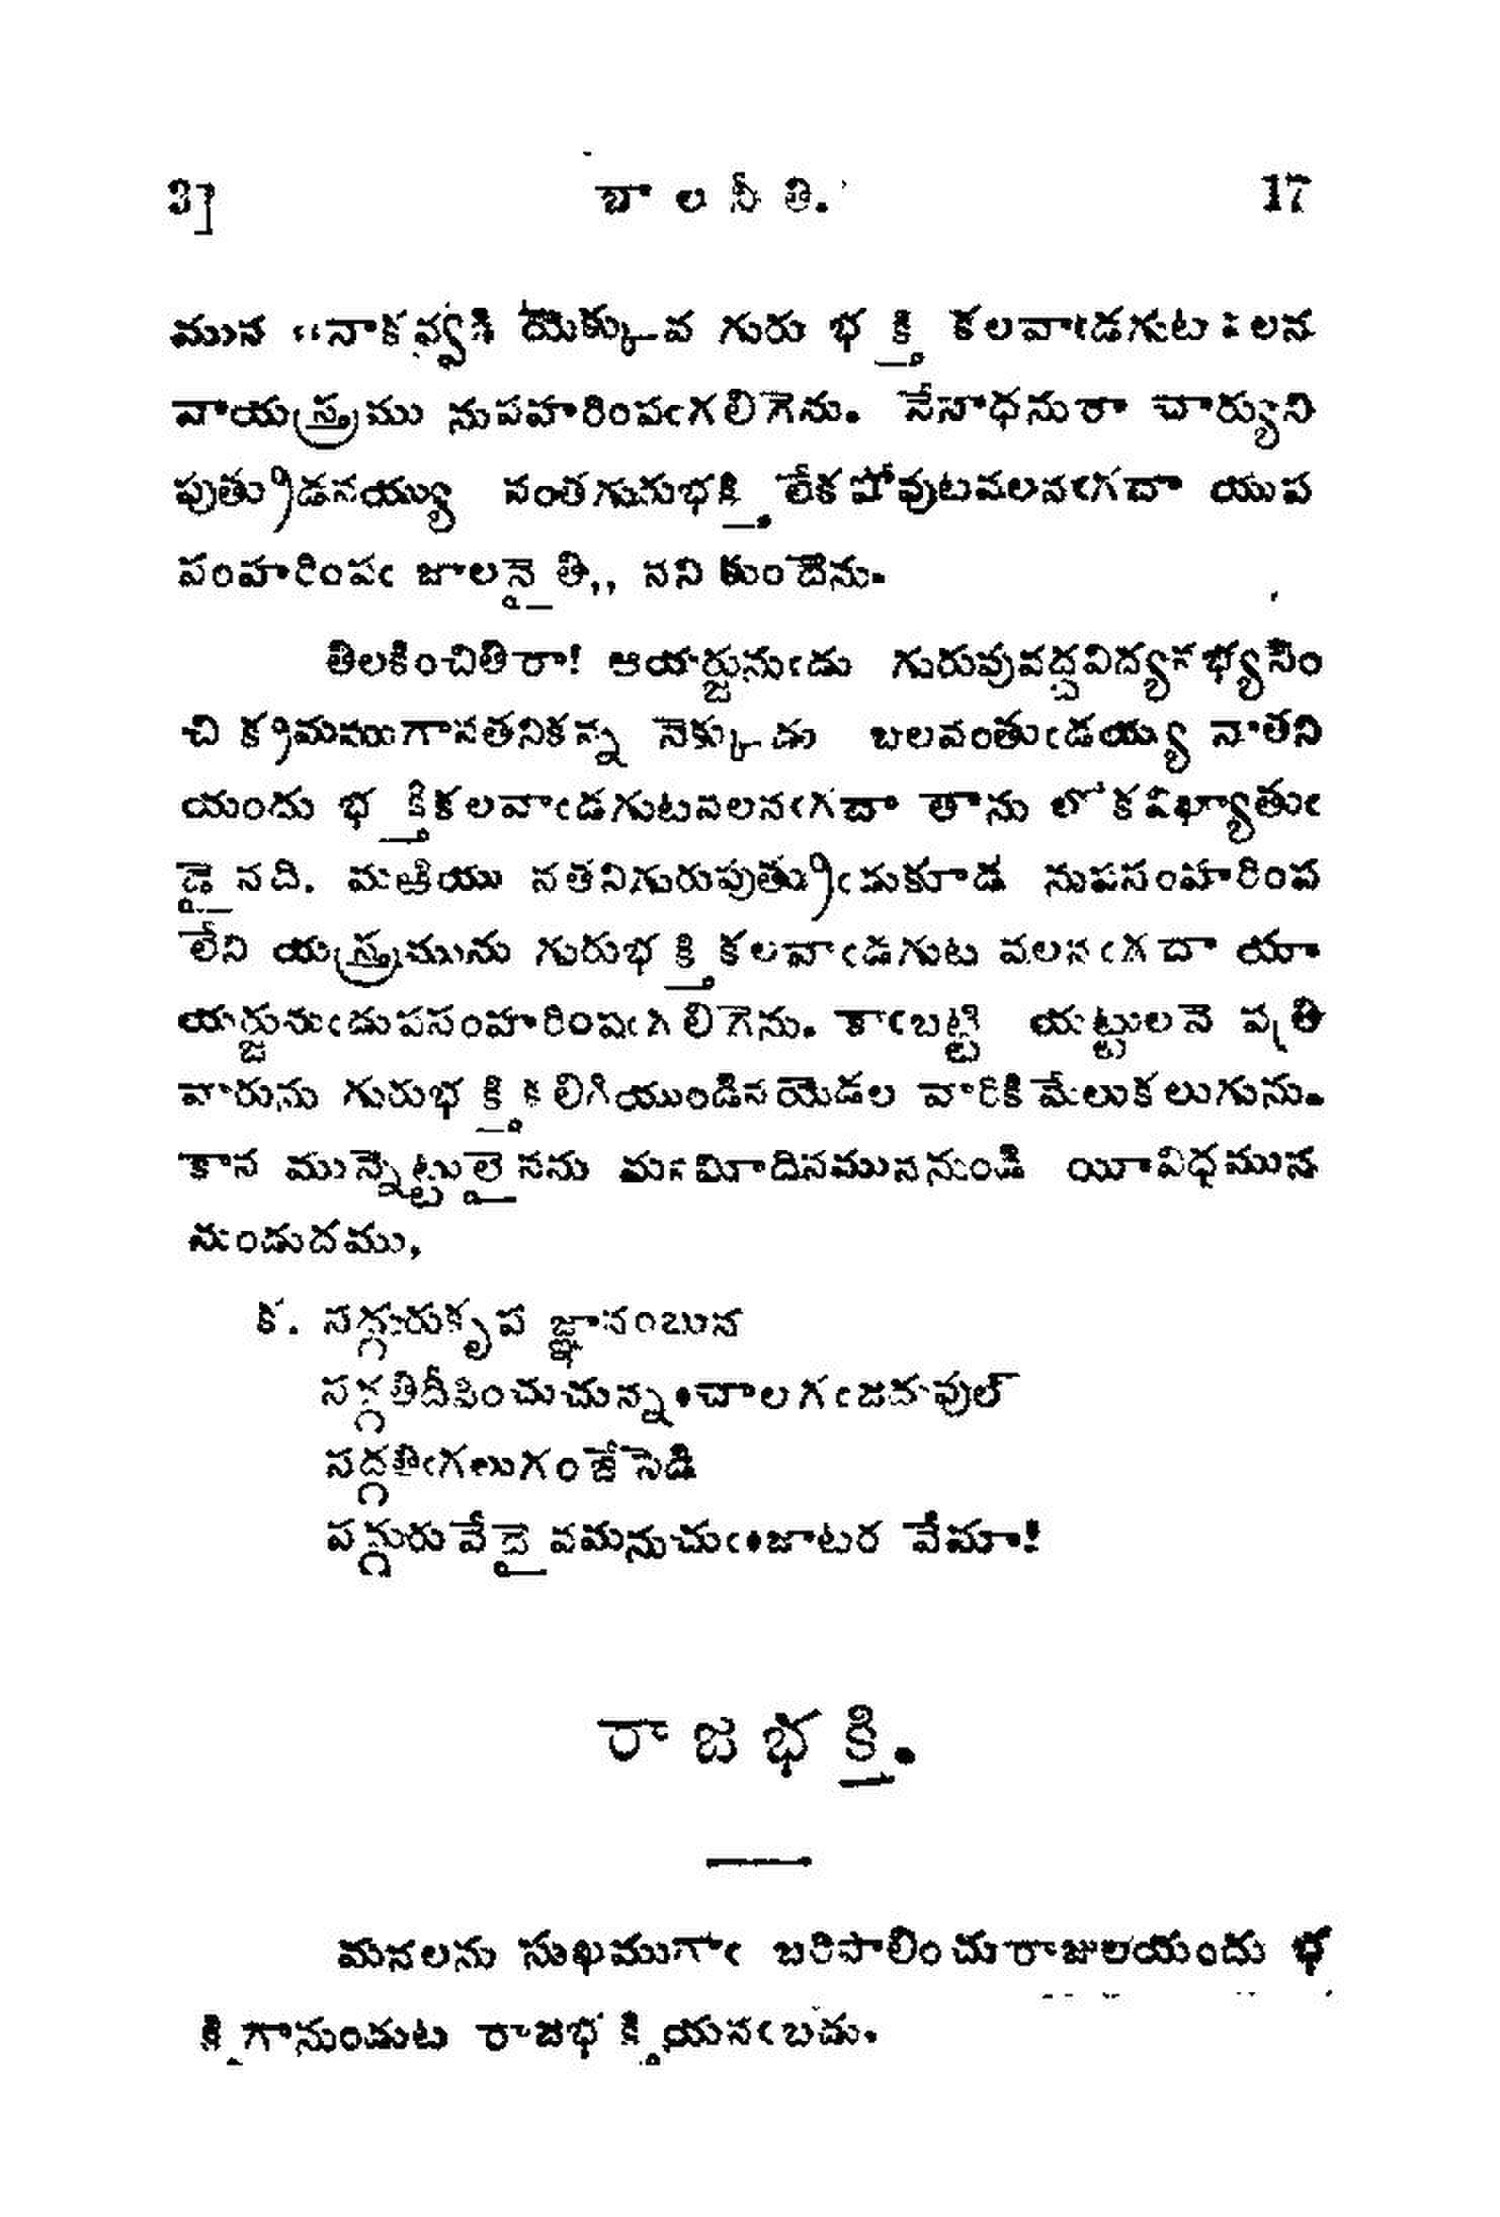మున "నాకవ్వడి యెక్కువ గురు భక్తి కలవాఁడగుట వలన 
నాయస్త్రము నుపహరింపగఁలిగెను. నేనాధనురా చార్యుని 
పుత్రుడనయ్యు నంతగురుభక్తి లేకపోవుటవలనఁగదా యుప
సంహరింపఁ జాలనైతి" నని కుందెను.

తిలకించితిరా! ఆయర్జునుఁడు గురువువద్దవిద్యనభ్యసిం
చి క్రమముగానతనికన్న నెక్కుడు బలవంతుఁడయ్యు నాతని
యందు భక్తికలవాఁడగుటవలనఁగదా తాను లోకవిఖ్యాతుఁ
డైనది. మఱియు నతనిగురుపుత్రుఁడుకూడ నుపసంహరింప
లేని యస్త్రమును గురుభక్తికలవాఁడగుట వలనఁగదా యా
యర్జునుఁడుపసంహరింపఁగలిగెను. కాఁబట్టి యట్టులనె పత్రి
వారును గురుభక్తికలిగియుండినయెడల వారికి మేలుకలుగును. 
కాన మున్నెట్టులైనను మనమీదినముననుండి యీవిధమున 
నుండుదము.

క. సద్గురుకృప జ్ఞానంబున
 సద్గతిదీపించుచున్న♦చాలగఁజదువుల్
 సద్గతిఁగలుగంజేసెడి
 సద్గురువేదైవమనుచుఁ♦జాటర వేమా!

రాజభక్తి
 

మనలను సుఖముగాఁ బరిపాలించు రాజులయందు భ
క్తిగానుండుట రాజభక్తియనబఁడు.